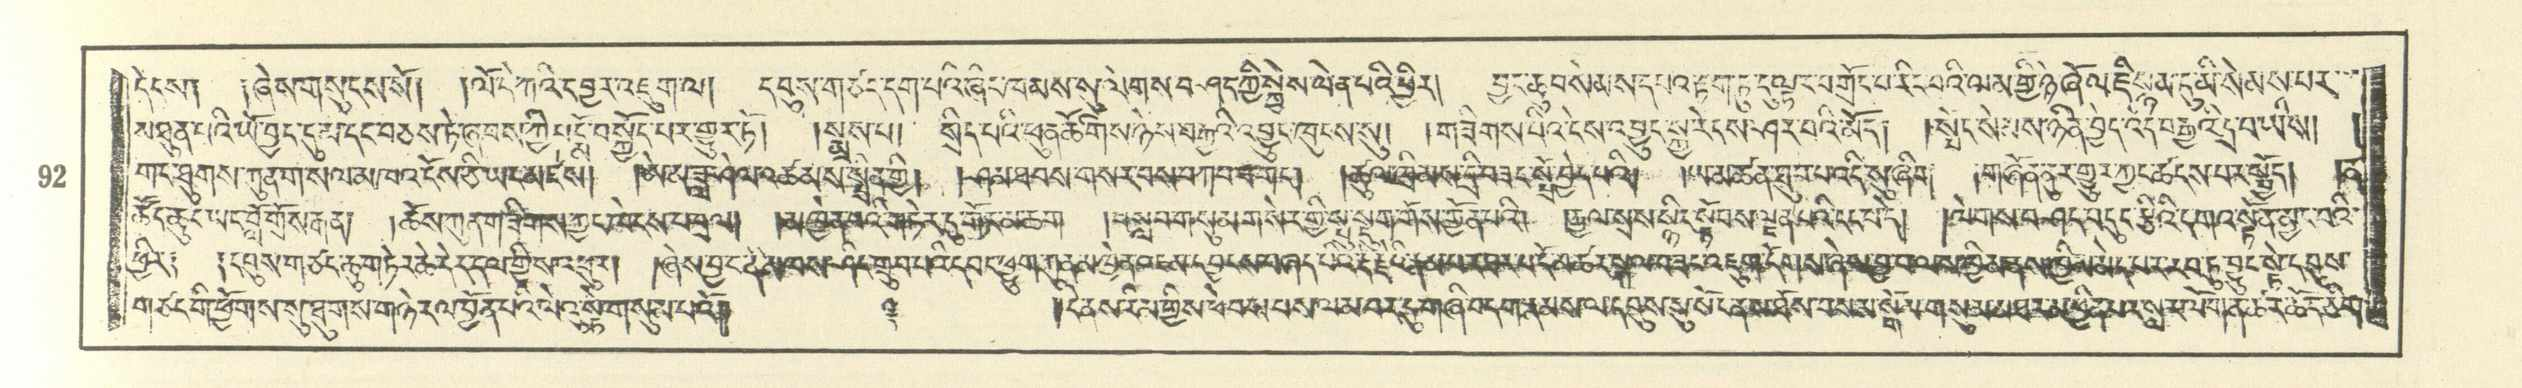དེངས༑ ༑ཞེས་གསུངས་སོ། །ལོ་དེ་ཀའི་དབྱར་འཇུག་ལ། དབུས་གཙང་དག་པའི་ཞིང་ཁམས་སུ་ལེགས་བཤད་ཀྱི་སྐྱེས་ལེན་པའི་ཕྱིར། བྱང་ཆུབ་སེམས་དཔའ་རྟག་ཏུ་དུ་ལྟར་བགྲོད་པ་རིང་བའི་ལམ་གྱི་ཉེ་ཞོ་ལ་ཇི་སྙམ་དུ་མི་སེམས་པར་
མཐུན་པའི་ཡོ་བྱང་དུ་མ་དང་བཅས་ཏེ་ཞབས་ཀྱི་པདམོ་བསྐྱོད་པར་གྱུར་ཏོ། །སྨྲས་པ། སྲིད་པའི་ཕུན་ཚོགས་ཉེས་བརྒྱའི་འབྱུང་ཁུངས་སུ། །གཟིགས་པའི་ངེས་འབྱུང་སྐྱ་རེངས་ཤར་བའི་མོད། །སྤོང་སེམས་ཉིན་བྱེད་འོད་བརྒྱའི་དྲ་བ་ཡིས། །
གང་ཐུགས་ཀུན་གསལ་མཁའ་ངོས་ཅི་ཡང་མཛེས། །ཨེ་མ་ཟླ་ཤེལ་འཚམས་སྤྲིན་གྱི། །ཤམ་ཐབས་གསར་བས་བཀབ་པ་གང་། །ཚུལ་ཁྲིམས་དྲི་བཟང་སྤྲོ་བྱེད་པའི། །ཡ་མཚན་ཐུབ་པ་འདི་སུ་ཞིག །གཞོན་ནུར་གྱུར་ཀྱང་ཚངས་པར་སྤྱོད། །ན་
ཚོད་ཆུང་ཡང་བློ་གྲོས་རྒན། །ཆོས་ཀུན་གཟིགས་ཀྱང་ཁེངས་པ་བྲལ། །མཁྱེན་པའི་གཏེར་དུ་གོང་མ་ཆག །བསླབ་གསུམ་གསེར་གྱི་སྤུ་སྡུག་གོས་གྱོན་པའི། །རྒྱལ་སྲས་སྙིང་སྟོབས་ལྡན་པའི་དང་པ་དེ། །ལེགས་བཤད་བདུད་རྩིའི་དགའ་སྟོན་མྱང་པའི་
ཕྱིར༑ ༑དབུས་གཙང་ཆུ་གཏེར་ཆེ་དེར་དལ་གྱིས་འཕུར། །ཞེས་བྱ་བ་ནི་མཁས་ཤིང་གྲུབ་པའི་དབང་ཕྱུག་ཀུན་མཁྱེན་འཇམ་དབྱངས་བཞད་པའི་རྡོ་རྗེའི་རྣམ་པར་ཐར་པ་ངོ་མཚར་སྐལ་བཟང་འཇུག་དོགས་ཞེས་བྱ་བ་ལས་ཁྱིམ་ནས་ཁྱིམ་མེད་པར་རབ་ཏུ་བྱུང་སྟེ་དབུས་
གཙང་གི་ཕྱོགས་སུ་ཐུགས་གཉེར་ལ་བྱོན་པའི་ལེའུ་སྟེ་གསུམ་པའོ།། ༈ །།དེ་ནས་རིམ་གྱིས་ཕེབས་པས་ལམ་བར་དུ་གཞི་བདག་རྣམས་ལ་དབུས་སུ་སོང་ནས་ཐོས་བསམ་སྒོམ་གསུམ་མཐར་མ་ཕྱིན་པར་སླར་ལོག་ན་ཚར་ཆོད་ཅིག་